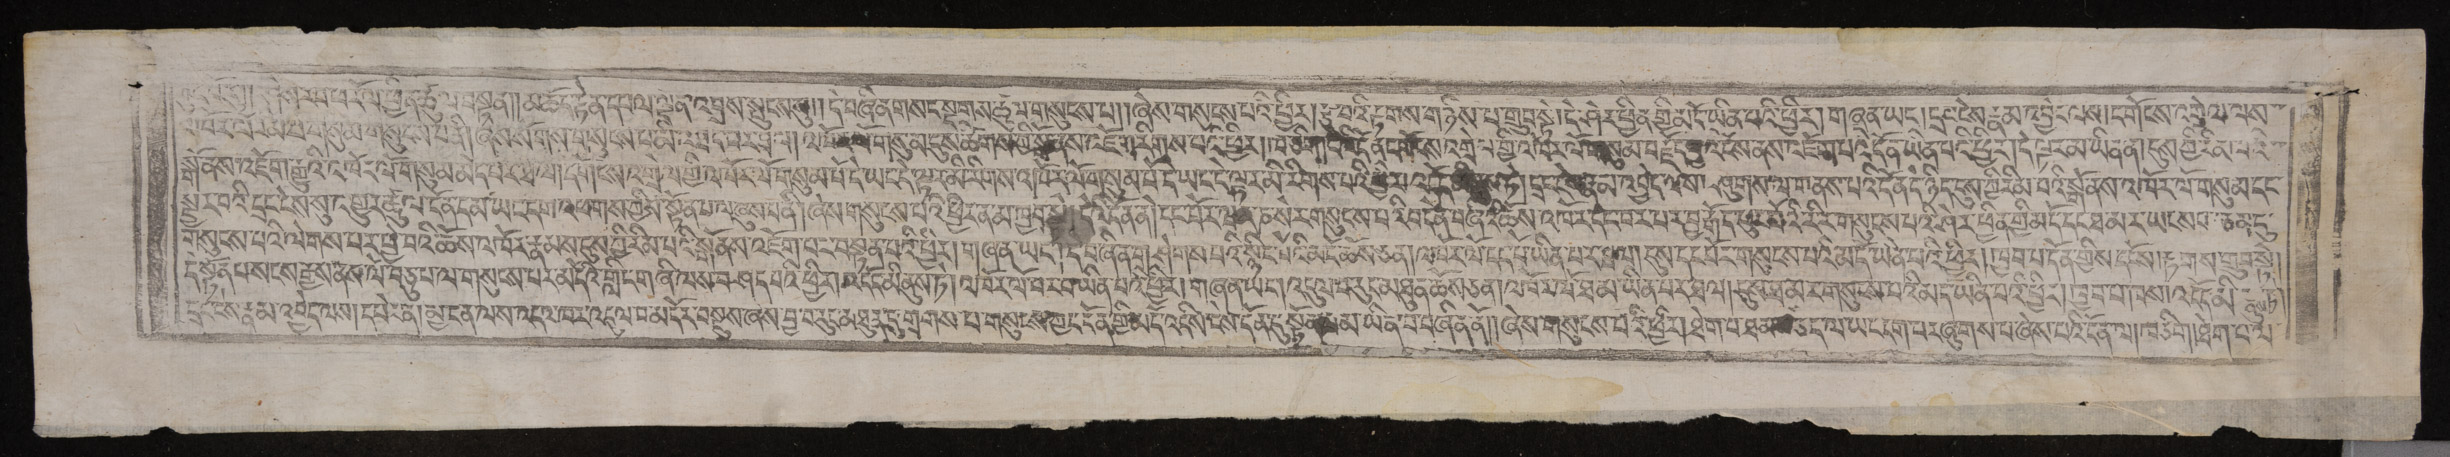ཕུང་པོ་རུ། །ཤེས་རབ་ཕ་རོལ་ཕྱིན་ཚུལ་བསྟན། །མཆོད་རྟེན་དཔལ་ལྡན་འབྲས་སྤུངས་སུ། །དེ་བཞིན་གསང་སྔགས་ཚུལ་གསུངས་པ། །ཞེས་གསུངས་པའི་ཕྱིར། རྩ་བའི་རྟགས་གཉིས་པ་གྲུབ་སྟེ། དེ་ཤེར་ཕྱིན་གྱི་མདོ་ཡིན་པའི་ཕྱིར། གཞན་ཡང་། དྲང་ངེས་རྣམ་འབྱེད་ལས། དགོངས་འགྲེལ་ལས་
འཁོར་ལོ་རིམ་པ་གསུམ་གསུངས་པ་ནི། ཞེས་སོགས་གསུངས་པ་མི་འཐད་པར་ཐལ། འཁོར་ལོ་གསུམ་དུས་ཚིགས་ཀྱི་སྒོ་ནས་འཇོག་རིགས་པའི་ཕྱིར། ཁ་ཅིག །དེའི་དོན་དགོངས་འགྲེལ་གྱི་འཁོར་ལོ་གསུམ་བརྗོད་བྱའི་ངོས་ནས་འཇོག་པའི་དོན་ཡིན་པའི་ཕྱིར། དེ་ལྟར་མ་ཡིན་ན། དུས་ཀྱི་རིམ་པའི་
སྒོ་ནས་འཇོག་རྒྱུའི་འཁོར་ལོ་གསུམ་མེད་པར་ཐལ། དགོངས་འགྲེལ་གྱི་འཁོར་ལོ་གསུམ་པོ་དེ་ཡང་དེ་ལྟར་མི་རིགས་འཁོར་ལོ་གསུམ་པོ་དེ་ཡང་དེ་ལྟར་མི་རིགས་པའི་ཕྱིར། འདོད་མི་ནུས་ཏེ། དྲང་ངེས་རྣམ་འབྱེད་ལས། ཤུགས་ལ་གནས་པའི་དོན་དེ་ཉིད་དུས་ཀྱི་རིམ་པའི་སྒོ་ནས་འཁོར་ལོ་གསུམ་དང་
སྦྱར་བའི་དྲང་ངེས་སུ་འགྱུར་ཚུལ་དོན་དམ་ཡང་དག་འཕགས་ཀྱིས་སྟོན་པ་ལ་ཞུས་པ་ནི། ཞེས་གསུངས་པའི་ཕྱིར་ན་མ་ཁྱབ་སྟེ། དེའི་དོན་ནི། དང་པོར་བར་ཎ་སེར་གསུངས་པའི་བདེན་བཞིའི་ཆོས་འཁོར་དང་བར་པར་བྱ་རྒོད་ཕུང་པོའི་རིར་གསུངས་པའི་ཤེར་ཕྱིན་གྱི་མདོ་དང་ཐ་མར་ཡངས་པ་ཅན་དུ་
གསུངས་པའི་ལེགས་པར་ཕྱེ་བའི་ཆོས་འཁོར་རྣམས་དུས་ཀྱི་རིམ་པའི་སྒོ་ནས་འཇོག་པར་བསྟན་པའི་ཕྱིར། གཞན་ཡང་། དེ་བཞིན་གཤེགས་པའི་སྙིང་པོའི་མདོ་ཆོས་ཅན། འཁོར་ལོ་དང་པོ་ཡིན་པར་ཐལ། དུས་དང་པོར་གསུངས་པའི་མདོ་ཡིན་པའི་ཕྱིར། ཁྱབ་པ་དོན་གྱིས་དངོས། རྟགས་གྲུབ་སྟེ།
དེ་སྟོན་པ་སངས་རྒྱས་ནས་ལོ་བཅུ་པ་ལ་གསུངས་པར་མདོའི་གླིང་གཞི་ལས་བཤད་པའི་ཕྱིར། འདོད་མི་ནུས་ཏེ། འཁོར་ལོ་བར་པ་ཡིན་པའི་ཕྱིར། གཞན་ཡང་། འདུལ་བ་རུང་མཐུན་ཆོས་ཅན། འཁོར་ལོ་ཐ་མ་ཡིན་པར་ཐལ། དུས་ཐ་མར་གསུངས་པའི་མདོ་ཡིན་པའི་ཕྱིར། ཁྱབ་པ་ཁས། འདོད་མི་ནུས་ཏེ།
དྲང་ངེས་རྣམ་འབྱེད་ལས། དཔེར་ན། མྱ་ངན་ལས་འདའ་ཁར་འདུལ་བ་མདོར་བསྡུས་ཞེས་བྱ་བ་རུང་མཐུན་དུ་གྲགས་པ་གསུངས་ཀྱང་དོན་གྱི་མདོ་འདིས་ངེས་དོན་དུ་སྟོན་པ་མ་ཡིན་པ་བཞིན་ནོ། །ཞེས་གསུངས་པའི་ཕྱིར། ཐེག་པ་ཐམས་ཅད་ལ་ཡང་དག་པར་ཞུགས་པ་ཞེས་པའི་དོན་ལ། ཁ་ཅིག །ཐེག་པ་ལ་